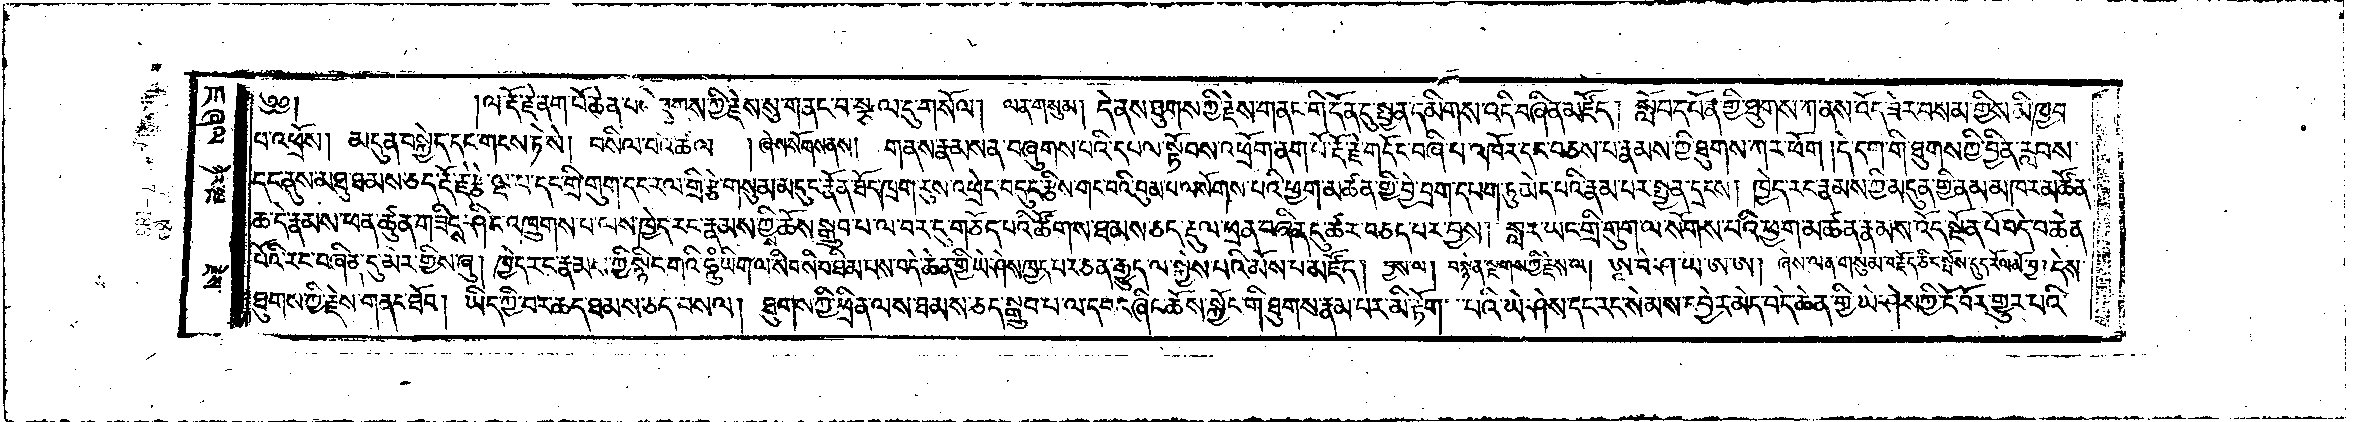༄༅། །ལ་རྡོ་རྗེ་ནག་པོ་ཆེན་པོའི་ཐུགས་ཀྱི་རྗེས་སུ་གནང་བ་སྩལ་དུ་གསོལ། ལན་གསུམ།  དེ་ནས་ཐུགས་ཀྱི་རྗེས་གནང་གི་དོན་དུ་སྤྱན་དམིགས་འདི་བཞིན་མཛོད། སློབ་དཔོན་གྱི་ཐུགས་ཀ་ནས་འོད་ཟེར་བསམ་གྱིས་མི་ཁྱབ་
པ་འཕྲོས། མདུན་བསྐྱེད་དང་གངས་ཏེ་སེ། བསིལ་བའི་ཚལ་།ཞེས་སོགས་ནས།  གནས་རྣམས་ན་བཞུགས་པའི་དཔལ་སྟོབས་འཕྲོག་ནག་པོ་རྡོ་རྗེ་གདོང་བཞི་པ་འཁོར་དང་བཅས་པ་རྣམས་ཀྱི་ཐུགས་ཀར་ཕོག །དེ་དག་གི་ཐུགས་ཀྱི་བྱིན་རླབས་
དང་ནུས་མཐུ་ཐམས་ཅད་རྡོ་རྗེ་རྩེ་ལྔ་པ་དང་གྲི་གུག་དང་རལ་གྲི་རྩེ་གསུམ་མདུལ་རྣོན་ཐོད་ཁྲག་རུས་འཕྲེང་བདུད་རྩིས་གང་བའི་བུམ་པ་ལ་སོགས་པའི་ཕྱག་མཚན་གྱི་བྱེ་བྲག་དཔག་ཏུ་མེད་པའི་རྣམ་པར་སྤྱན་དྲངས། ཁྱེད་རང་རྣམས་ཀྱི་མདུན་གྱི་ནམ་མཁར་མཚོན་
ཆ་དེ་རྣམས་ཕན་ཚུན་གཟིངས་ཤིང་འཁྲུགས་པ་ལས་ཁྱེད་རང་རྣམས་ཀྱིས་ཆོས་སྒྲུབ་པ་ལ་བར་དུ་གཅོད་པའི་ཚོགས་ཐམས་ཅད་རྡུལ་ཕྲན་བཞིན་དུ་ཚར་བཅད་པར་བྱས། སླར་ཡང་གྲི་གུག་ལ་སོགས་པའི་ཕྱག་མཚན་རྣམས་འོད་སྔོན་པོ་བདེ་བ་ཆེན་
པོའི་རང་བཞིན་དུ་མེར་གྱིས་ཞུ། ཁྱེད་རང་རྣམས་ཀྱི་སྙིང་གའི་ཧཱུཾ་ཡིག་ལ་སིབ་སིབ་ཐིམ་པས་བདེ་ཆེན་གྱི་ཡེ་ཤེས་ཁྱད་པར་ཅན་རྒྱུད་ལ་སྐྱེས་པའི་མོས་པ་མཛོད། བྱས་ལ། བསྙེན་སྔགས་ཀྱི་རྗེས་ལ།  ཨཱ་བེ་ཤ་ཡ་ཨ་ཨ། ཞེས་ལན་གསུམ་བརྗོད་ཅི་མོས་དུད་རོལ་མོ་བྱ།  དེས་
ཐུགས་ཀྱི་རྗེས་གནང་ཐོབ། ཡིད་ཀྱི་བར་ཆད་ཐམས་ཅད་བསལ། ཐུགས་ཀྱི་ཕྲིན་ལས་ཐམས་ཅད་སྒྲུབ་པ་ལ་དབང་ཞིང་ཆོས་སྐྱོང་གི་ཐུགས་རྣམ་པར་མི་རྟོག་པའི་ཡེ་ཤེས་དང་རང་སེམས་དབྱེར་མེད་བདེ་ཆེན་གྱི་ཡེ་ཤེས་ཀྱི་ངོ་བོར་གྱུར་པའི་